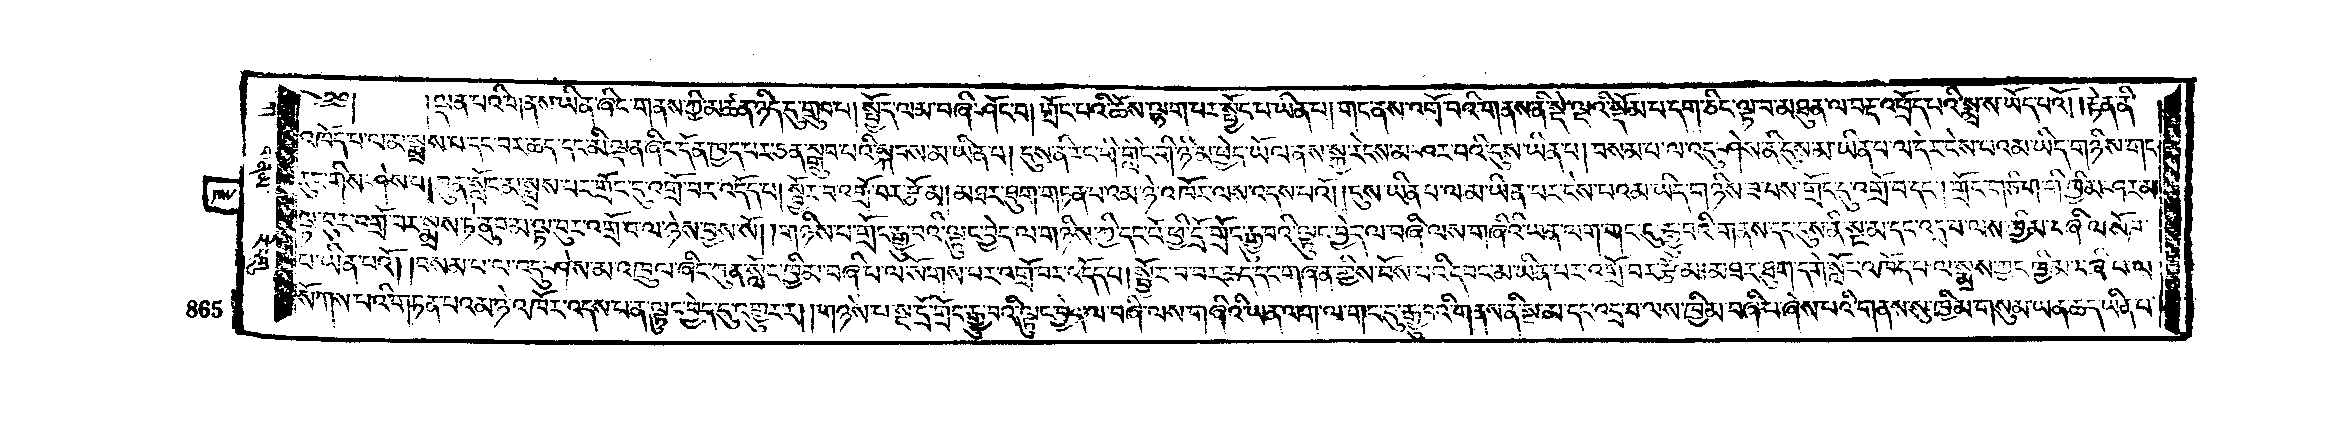༄༅། །ལྡན་པའི་གནས་ཡིན་ཞིང་གནས་ཀྱི་མཚན་ཉིད་དུ་གྲུབ་པ། སྤྱོད་ལམ་བཞི་ཤོང་བ། གྲོང་པའི་ཆོས་ལྷག་པར་སྤྱོད་པ་ཡིན་པ། གང་ནས་འགྲོ་བའི་གནས་ནི་སྡེ་ལྔའི་སྡོམ་པ་དག་ཅིང་ལྟ་བ་མཐུན་ལ་བརྡ་འཕྲོད་པའི་སྨྲ་ས་ཡོད་པའོ། །རྟེན་ནི་
འཁོད་པ་ལ་མ་སྨྲས་པ་དང་བར་ཆད་དང་མི་ལྡན་ཞིང་དོན་ཁྱད་པར་ཅན་སྒྲུབ་པའི་སྐབས་མ་ཡིན་པ། དུས་ནི་རང་གི་གླིང་གི་ཉི་མ་ཕྱེད་ཡོལ་ནས་སྐྱ་རེངས་མ་ཤར་བའི་དུས་ཡིན་པ། བསམ་པ་ལ་འདུ་ཤེས་ནི་དུས་མ་ཡིན་པ་ལ་དེར་ངེས་པའམ་ཡིད་གཉིས་གང་
རུང་གིས་ཤེས་པ། ཀུན་སློང་མ་སྨྲས་པར་གྲོང་དུ་འགྲོ་བར་འདོད་པ། སྦྱོར་བ་འགྲོ་བར་རྩོམ། མཐར་ཐུག་གཏན་པའམ་ཉེ་འཁོར་ལས་འདས་པའོ། །དུས་ཡིན་པ་ལ་མ་ཡིན་པར་ངེས་པའམ་ཡིད་གཉིས་ཟ་པས་གྲོང་དུ་འགྲོ་བ་དང་། གྲོང་གཅིག་གི་ཁྱིམ་ཤར་མ་
ལྟ་བུར་འགྲོ་བར་སྨྲས་ཏེ་ནུབ་མ་ལྟ་བུར་འགྲོ་བ་ལ་ཉེས་བྱས་སོ། །གཉིས་པ་གྲོང་རྒྱུ་བའི་ལྟུང་བྱེད་ལ་གཉིས་ཀྱི་དང་པོ་ཕྱི་དྲོ་གྲོང་རྒྱུ་བའི་ལྟུང་བྱེད་ལ་བཞི་ལས་གཞིའི་ཡན་ལག་གང་དུ་རྒྱུ་བའི་གནས་དང་དུས་ནི་སྔ་མ་དང་འདྲ་བ་ལས་ཁྱིམ་བཞི་ལ་སོགས་
པ་ཡིན་པའོ། །བསམ་པ་ལ་འདུ་ཤེས་མ་འཁྲུལ་ཞིང་ཀུན་སློང་ཁྱིམ་བཞི་པ་ལ་སོགས་པར་འགྲོ་བར་འདོད་པ། སྦྱོར་བ་བར་ཆད་དང་གཞན་གྱིས་བོས་པའི་དབང་མ་ཡིན་པར་འགྲོ་བར་རྩོམ། མཐར་ཐུག་དགེ་སློང་འཁོད་པ་ལ་སྨྲས་ཀྱང་ཁྱིམ་བཞི་པ་ལ་
སོགས་པའི་གཏན་པའམ་ཉེ་འཁོར་འདས་པ་ན་ལྟུང་བྱེད་དུ་འགྱུར་རོ། །གཉེས་པ་སྔ་དྲོ་གྲོང་རྒྱུ་བའི་ལྟུང་བྱེད་ལ་བཞི་ལས་གཞིའི་ཡན་ལག་ལ་གང་དུ་རྒྱུ་བའི་གནས་ནི་སྔ་མ་དང་འདྲ་བ་ལས་ཁྱིམ་བཞི་པ་ཞེས་པའི་གནས་སུ་ཁྱིམ་གསུམ་ཡན་ཆད་ཡིན་པ་